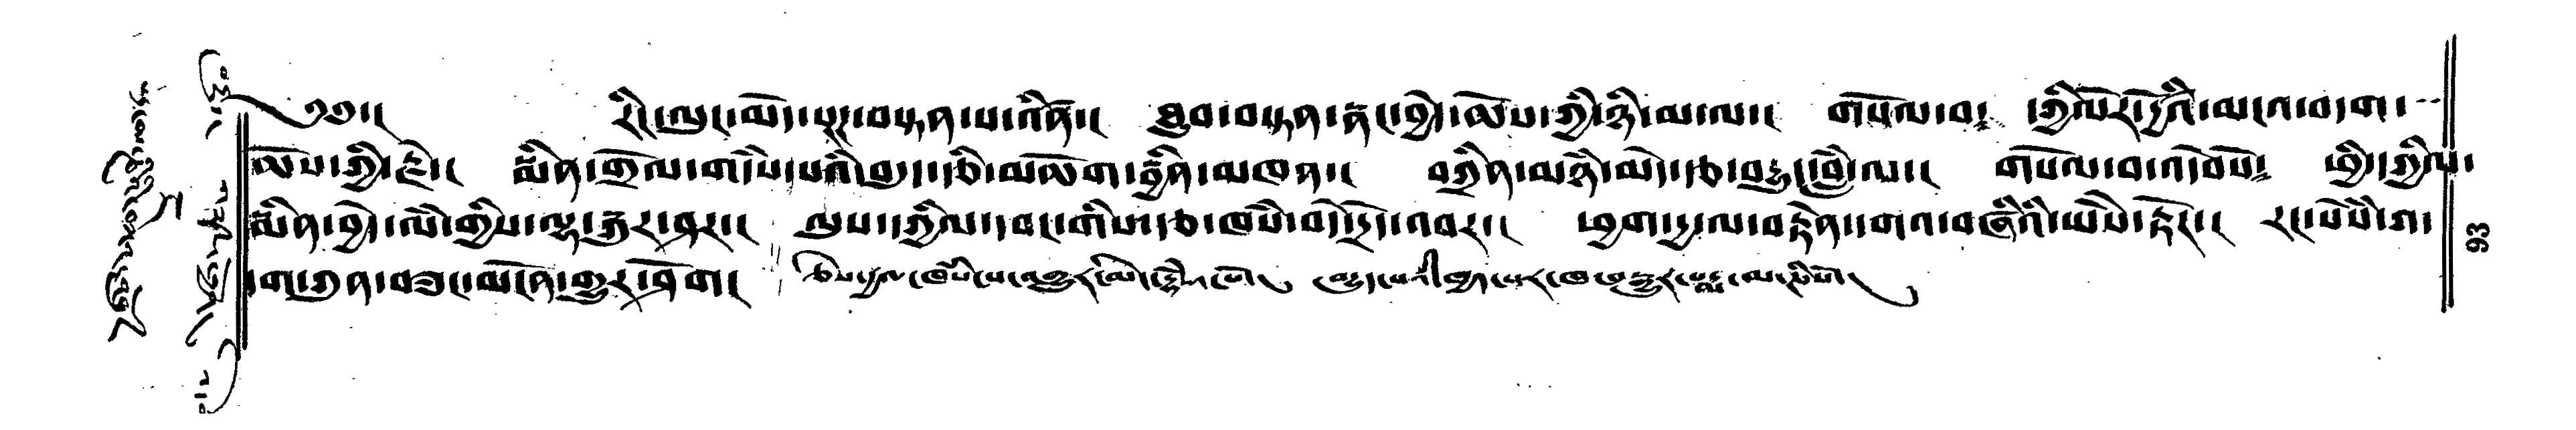རིང་ལུགས་མདོ་སྔགས་བསྟན་པ་འཛིན། །ཐུབ་བསྟན་སྣང་བྱེད་ཆོས་ཀྱི་ཉི་མ་ལ། །གསོལ་བ༴དཀྱིལ་འཁོར་རྒྱ་མཚོའི་མངའ་བདག་
ཆོས་ཀྱི་རྗེ། །སྨིན་གྲོལ་གདམས་པའི་བདུད་རྩི་མཆོག་སྦྱིན་མཁན། །བཀའ་དྲིན་མཉམ་མེད་རྩ་བརྒྱུད་བླ་མ་ལ། །གསོལ་བ་འདེབས་སོ༴ ཕྱི་དཀྱིལ་
སྨིན་བྱེད་ལམ་གྱིས་ལྷ་སྐུར་ཤར། །ལུས་དཀྱིལ་དབང་གིས་རྩ་ཁམས་བདེ་དྲོད་འབར། །ཕྱག་རྒྱ་ལ་བརྟེན་དགའ་བཞིའི་ཡེ་ཤེས་རྟོགས། །རང་སེམས་ཀ་
དག་ཀུན་བཟང་མངོན་གྱུར་ཤོག ། ཅེས་རྒྱལ་ཁམས་པ་འགྱུར་མེད་རྡོ་རྗེས་སོ། བརྒྱུད་པའི་ཁྱད་པར་ཁ་བསྒྱུར་པདྨ་མ་ཎིས་སོ།། དགེའོ།།